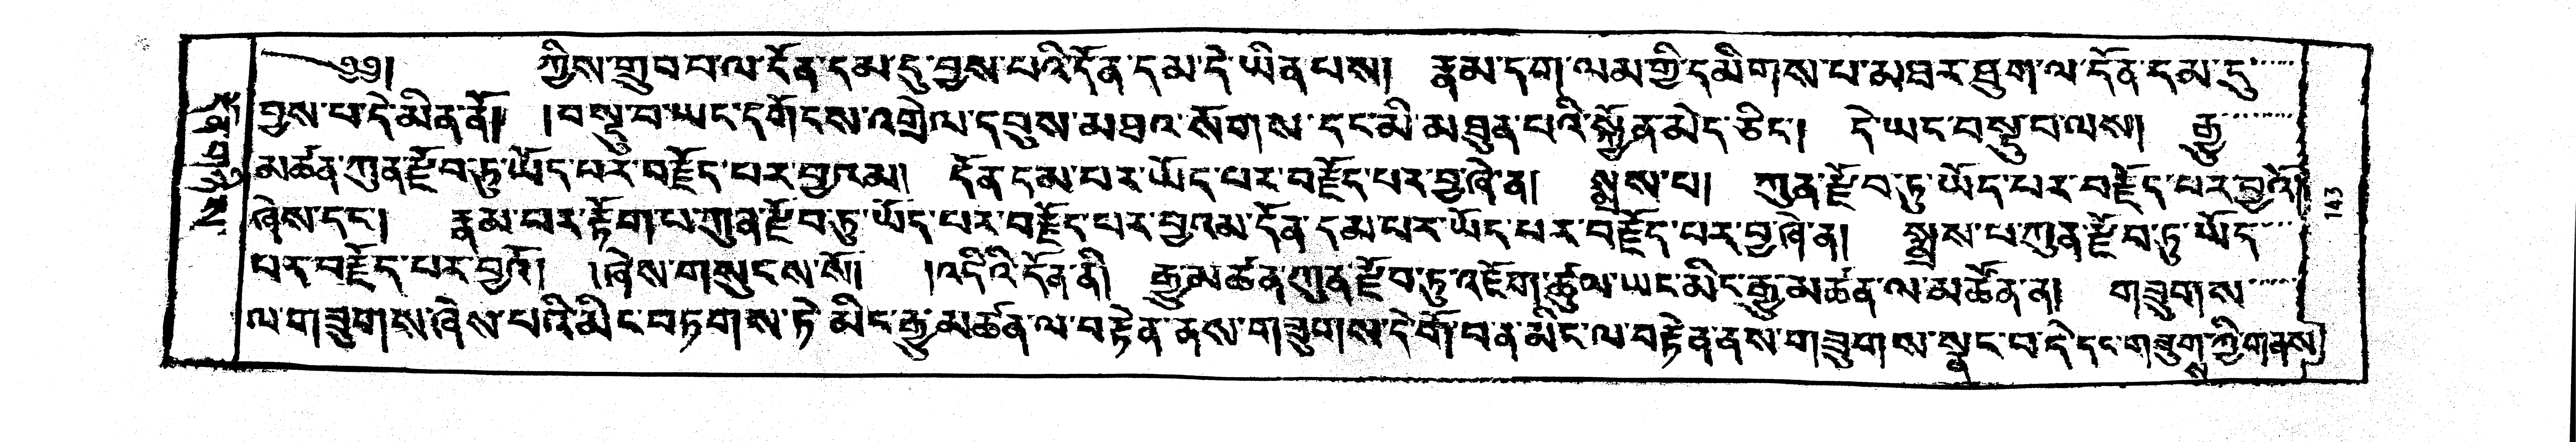༄༅། །ཀྱིས་གྲུབ་པ་ལ་དོན་དམ་དུ་བྱས་པའི་དོན་དམ་དེ་ཡིན་པས། རྣམ་དག་ལམ་གྱི་དམིགས་པ་མཐར་ཐུག་ལ་དོན་དམ་དུ་
བྱས་པ་དེ་མིན་ནོ། །བསྡུ་བ་ཡང་དགོངས་འགྲེལ་དབུས་མཐའ་སོགས་དང་མི་མཐུན་པའི་སྐྱོན་མེད་ཅིང་། དེ་ཡང་བསྡུ་བ་ལས། རྒྱུ་
མཚན་ཀུན་རྫོབ་ཏུ་ཡོད་པར་བརྗོད་པར་བྱའམ། དོན་དམ་པར་ཡོད་པར་བརྗོད་པར་བྱ་ཞེ་ན། སྨྲས་པ། ཀུན་རྫོབ་ཏུ་ཡོད་པར་བརྗོད་པར་བྱའོ།
ཞེས་དང་། རྣམ་པར་རྟོག་པ་ཀུན་རྫོབ་ཏུ་ཡོད་པར་བརྗོད་པར་བྱའམ་དོན་དམ་པར་ཡོད་པར་བརྗོད་པར་བྱ་ཞེ་ན། སྨྲས་པ་ཀུན་རྫོབ་ཏུ་ཡོད་
པར་བརྗོད་པར་བྱའོ། །ཞེས་གསུངས་སོ། །འདིའི་དོན་ནི། རྒྱུ་མཚན་ཀུན་རྫོབ་ཏུ་འཇོག་ཚུལ་ཡང་མིང་རྒྱུ་མཚན་ལ་མཚོན་ན། གཟུགས་
ལ་གཟུགས་ཞེས་པའི་མིང་བཏགས་ཏེ་མིང་རྒྱུ་མཚན་ལ་བརྟེན་ནས་གཟུགས་དེ་གོ་བ་ན་མིང་ལ་བརྟེན་ནས་གཟུགས་སྣང་བ་དེ་དང་གཟུགས་ཀྱི་གནས་